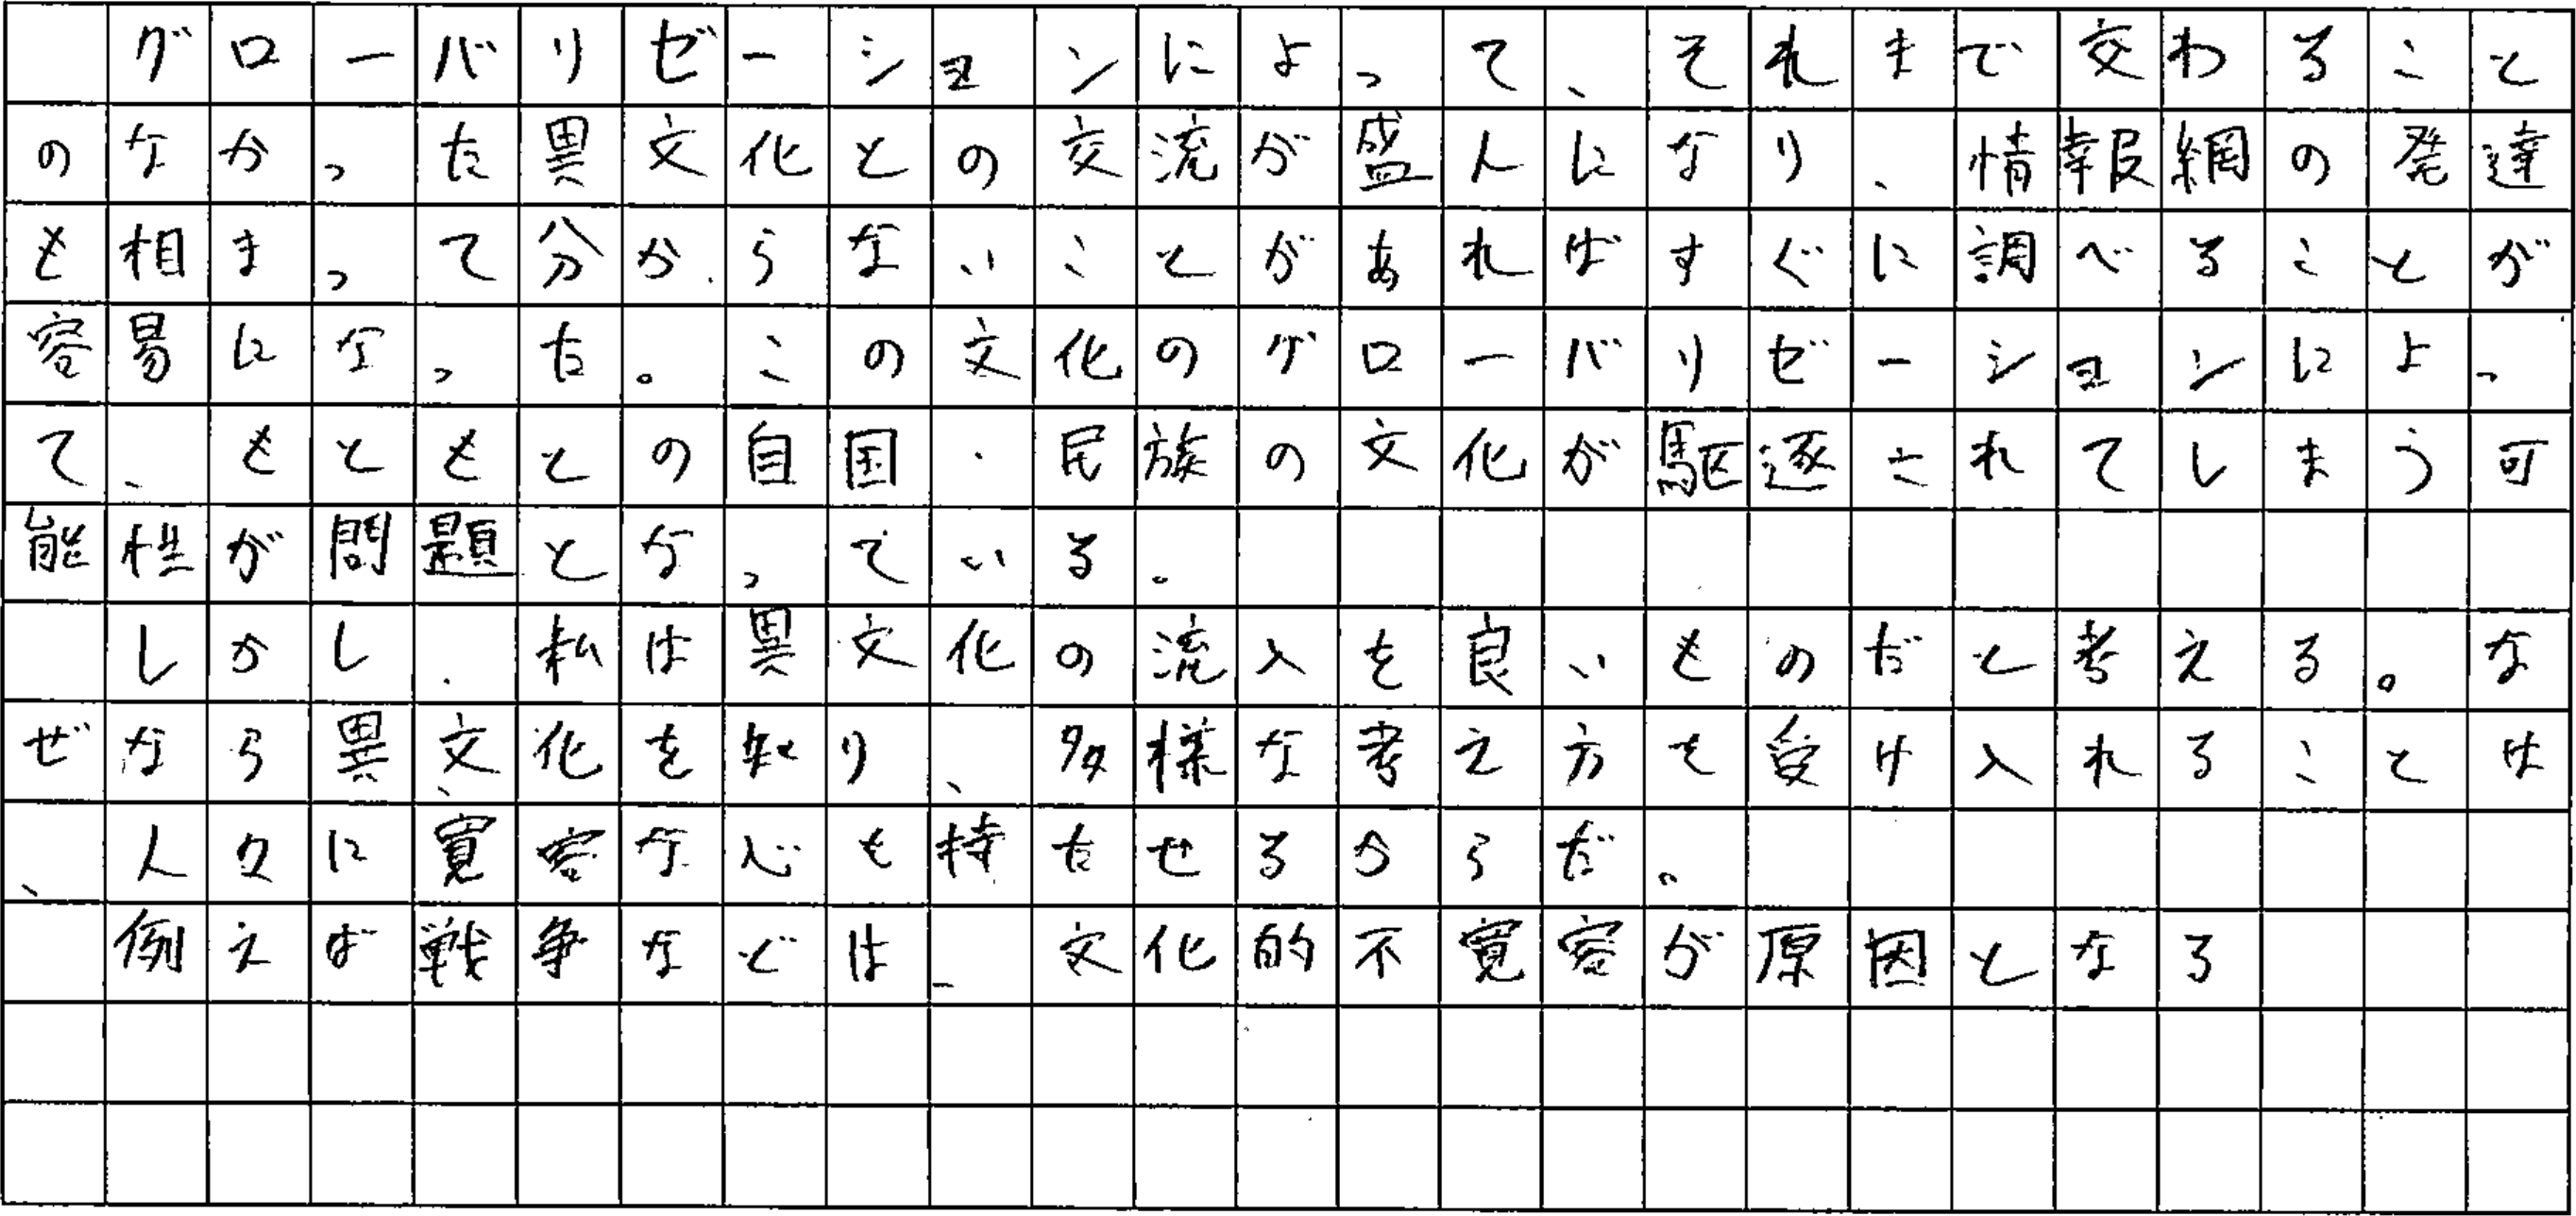　グローバリゼーションによって、それまで交わることのなかった異文化との交流が盛んになり、情報網の発達も相まって分からないことがあればすぐに調べることが容易になった。この文化のグローバリゼーションによって、もともとの自国・民族の文化が駆逐されてしまう可能性が問題となっている。
　しかし、私は異文化の流入を良いものだと考える。なぜなら異文化を知り、多様な考え方を受け入れることは、人々に寛容な心を持たせるからだ。
　例えば戦争などは、文化的不寛容が原因となる
